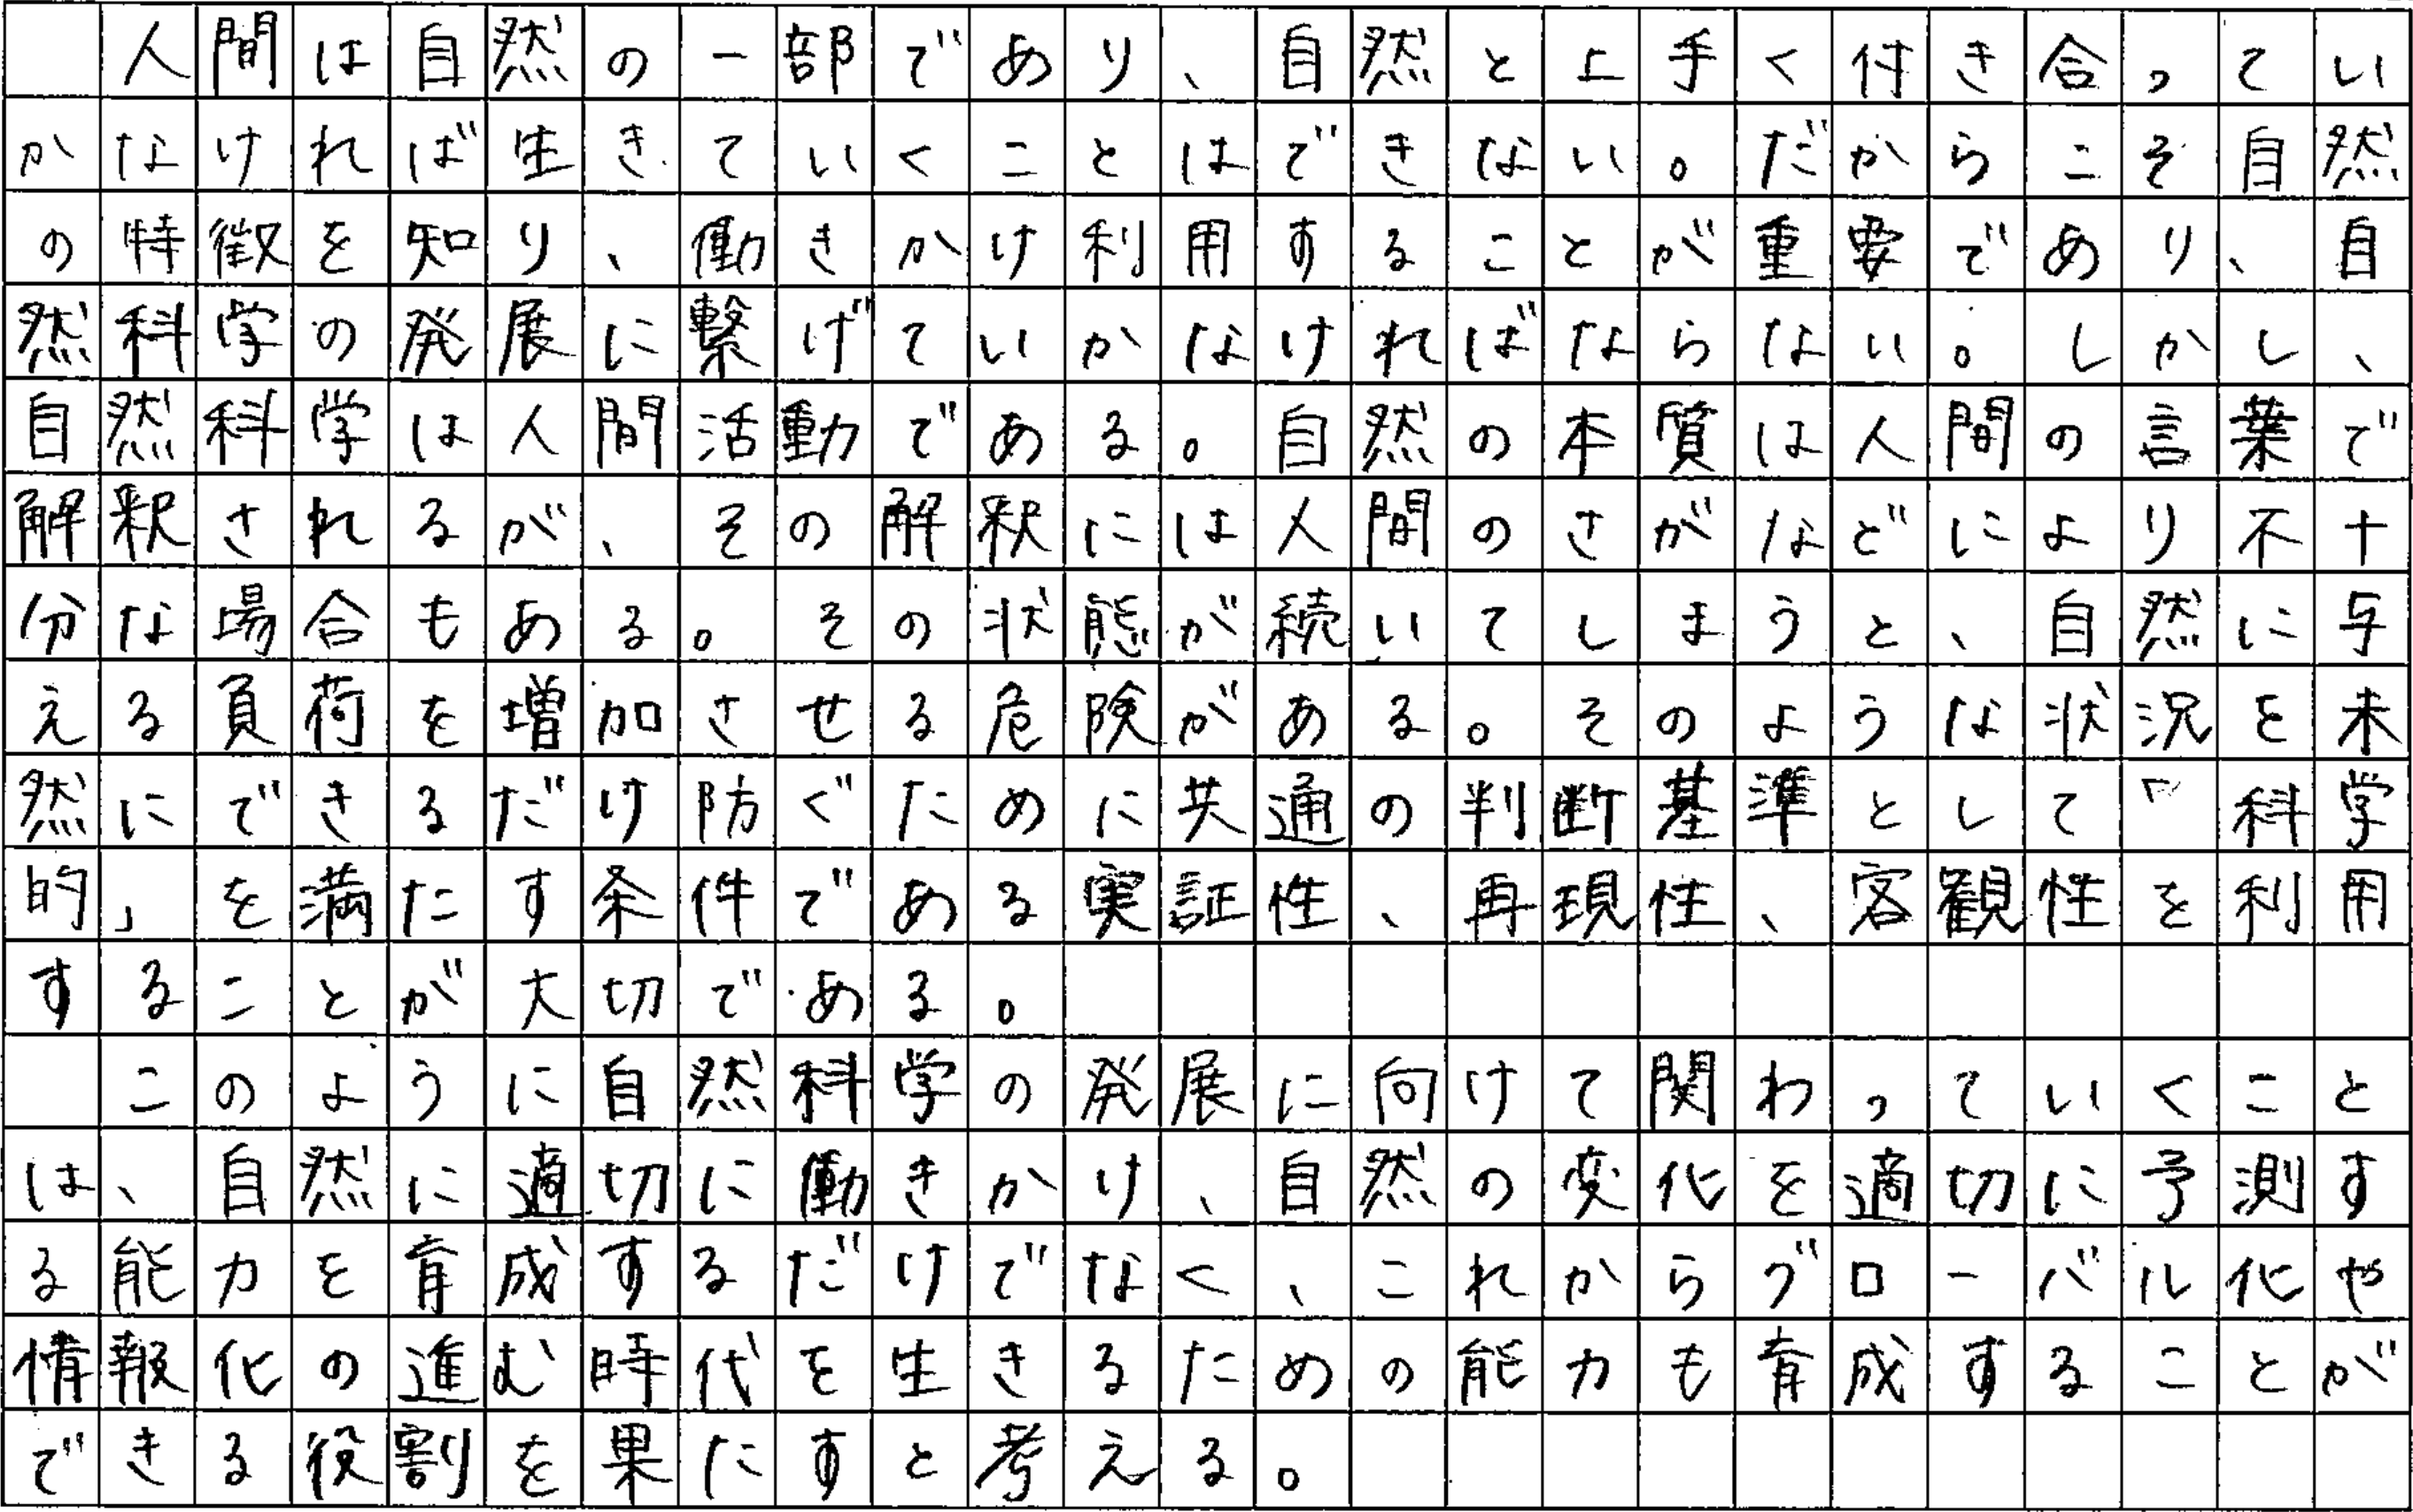　人間は自然の一部であり、自然と上手く付き合っていかなければ生きていくことはできない。だからこそ自然の特徴を知り、働きかけ利用することが重要であり、自然科学の発展に繋げていかなければならない。しかし、自然科学は人間活動である。自然の本質は人間の言葉で解釈されるが、その解釈には人間のさがなどにより不十分な場合もある。その状態が続いてしまうと、自然に与える負荷を増加させる危険がある。そのような状況を未然にできるだけ防ぐために共通の判断基準として「科学的」を満たす条件である実証性、再現性、客観性を利用することが大切である。
　このように自然科学の発展に向けて関わっていくことは、自然に適切に働きかけ、自然の変化を適切に予測する能力を育成するだけでなく、これからグローバル化や情報化の進む時代を生きるための能力も育成することができる役割を果たすと考える。
